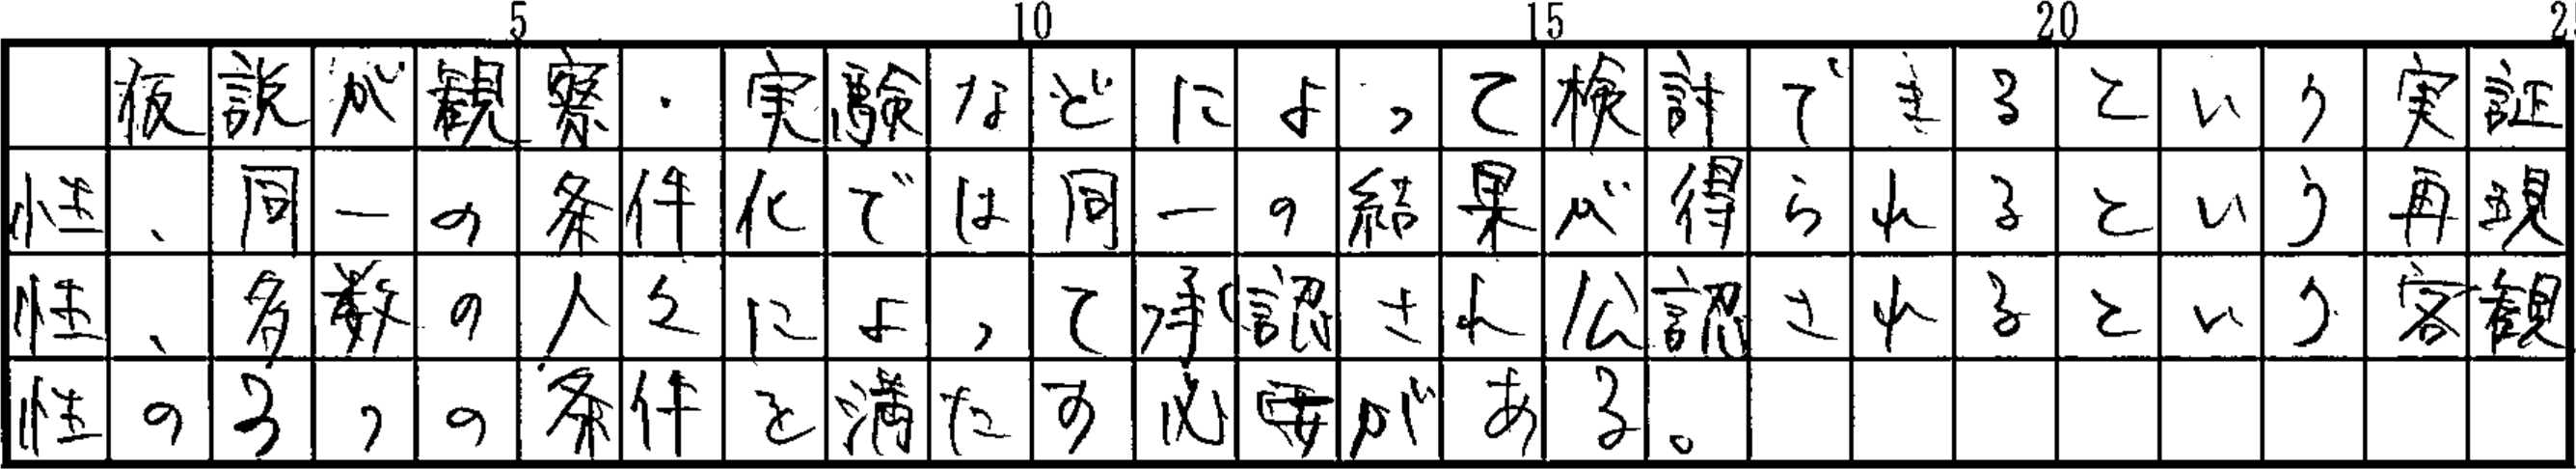　仮説が観察・実験などによって検討できるという実証性、同一の条件化では同一の結果が得られるという再現性、多数の人々によって承認され公認されるという客観性の３つの条件を満たす必要がある。
